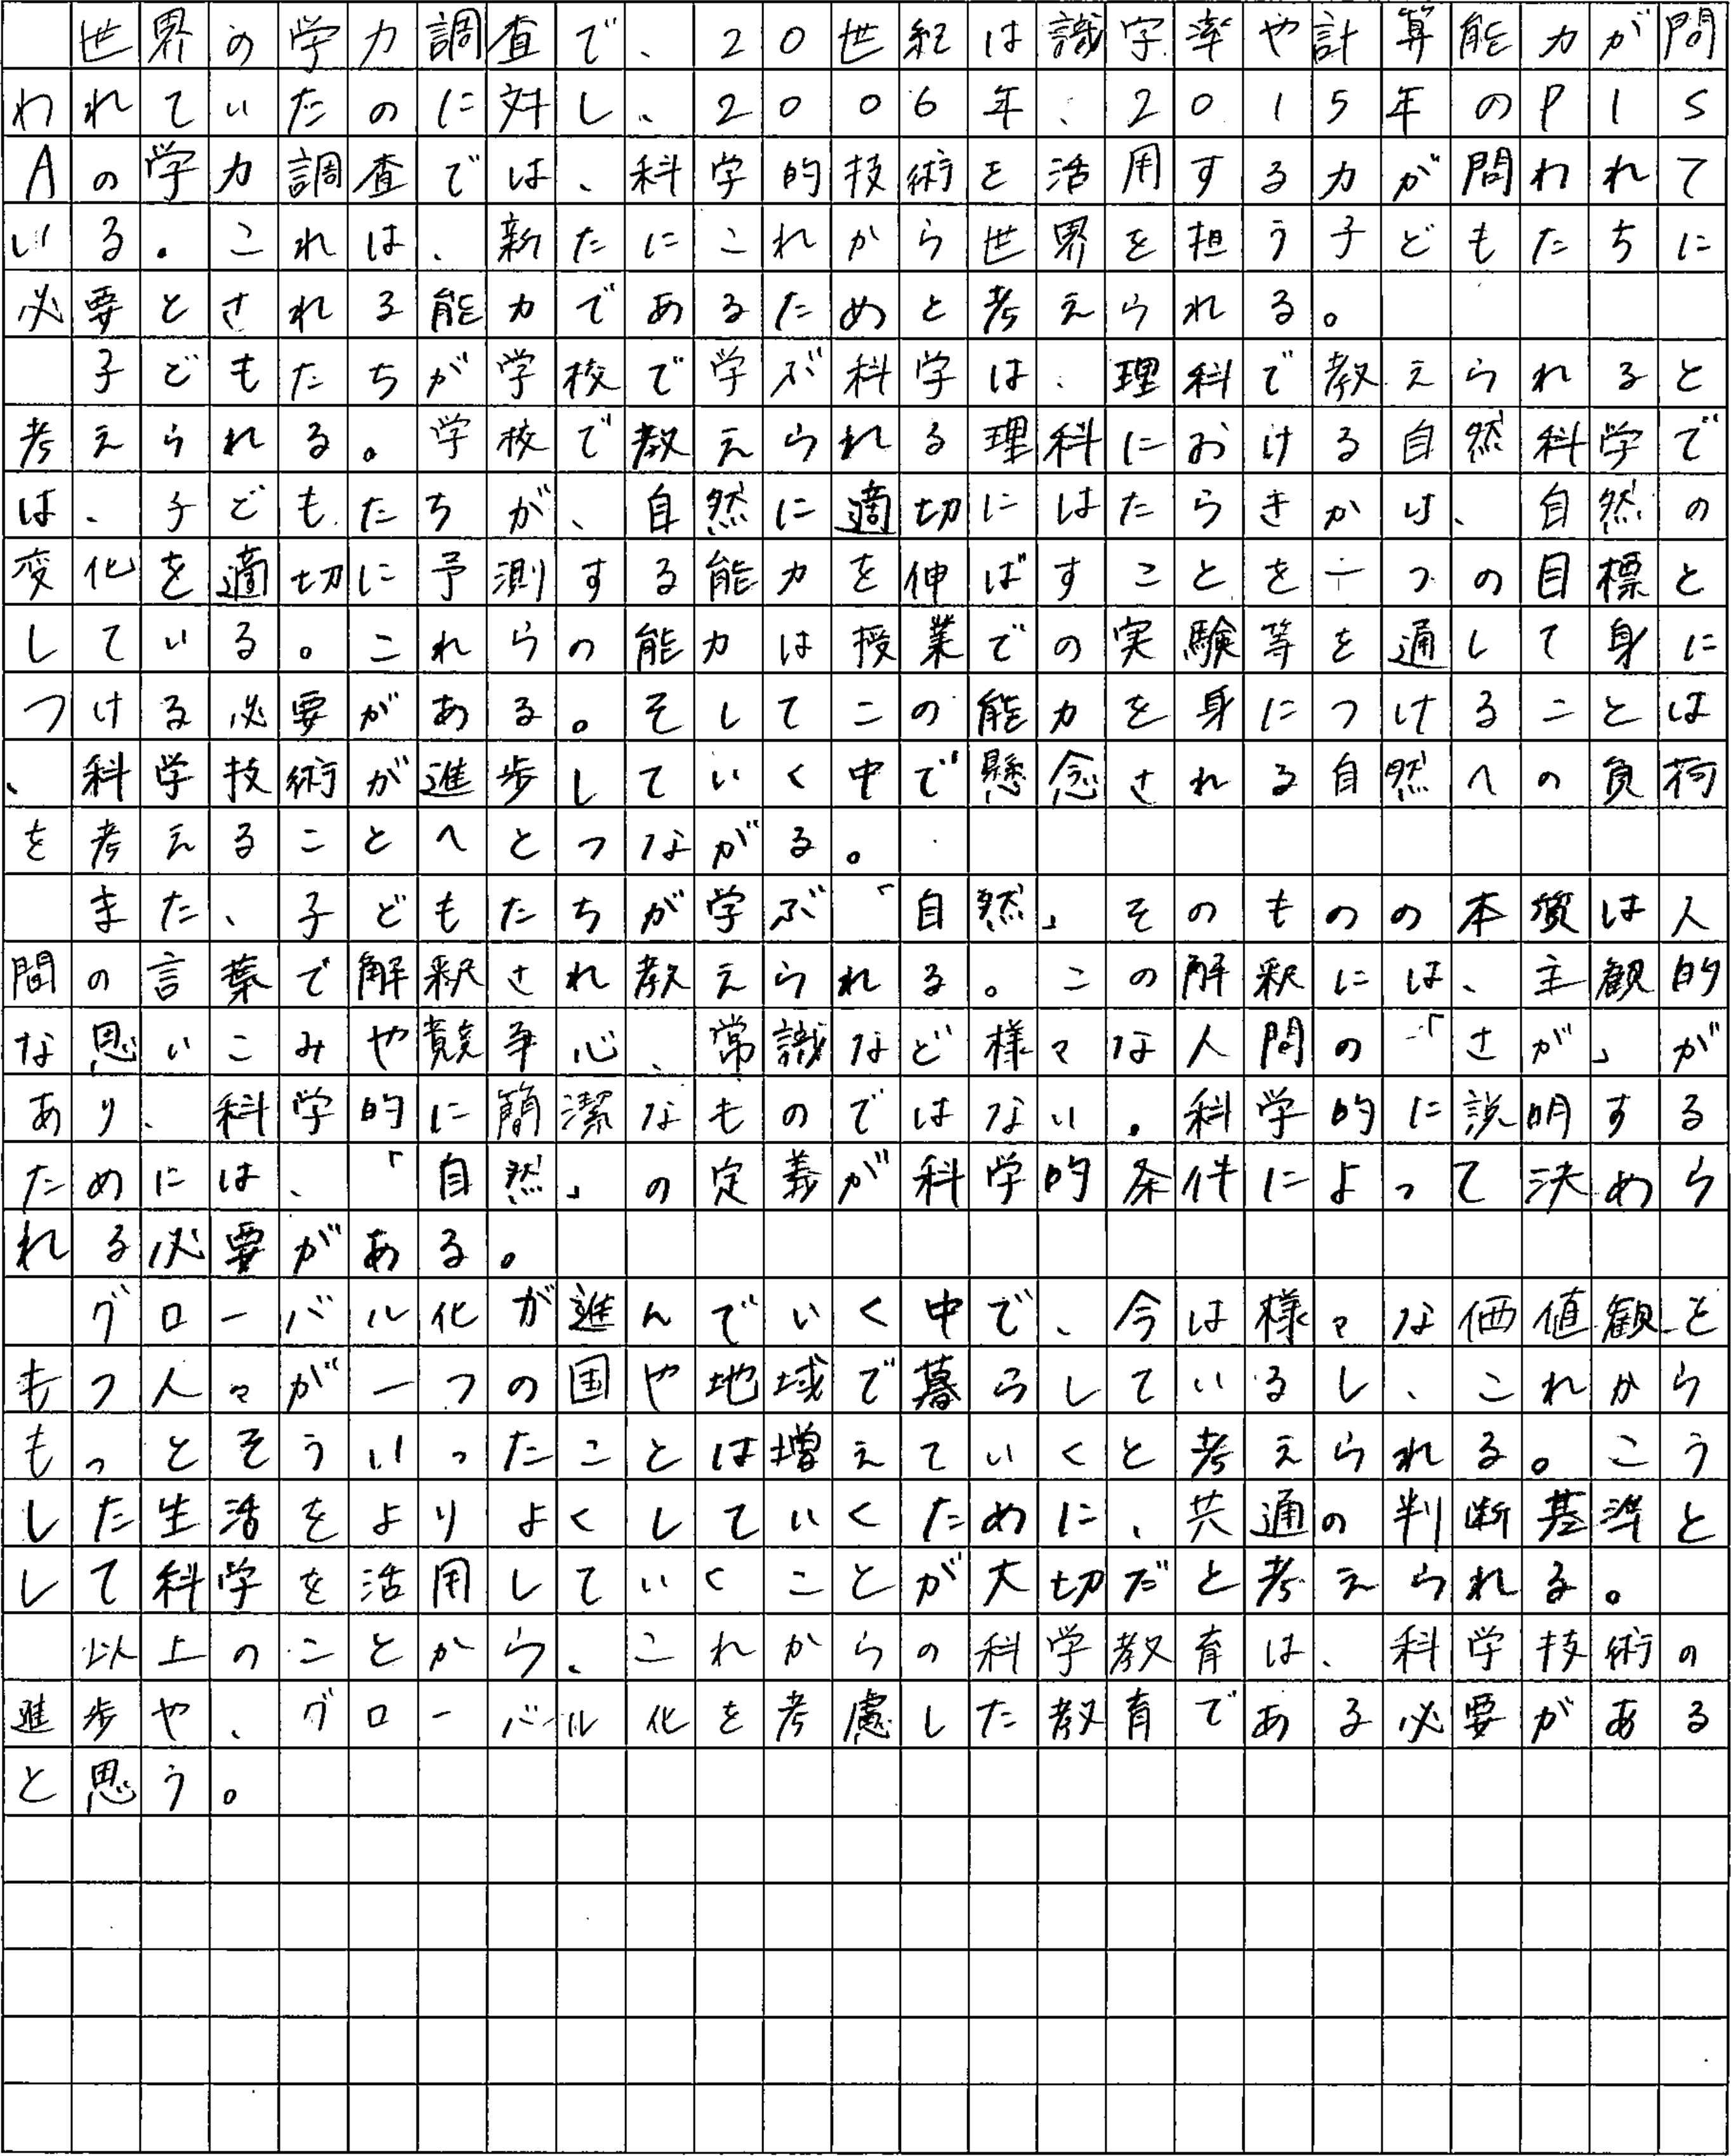　世界の学力調査で、２０世紀は識字率や計算能力が問われていたのに対し、２００６年、２０１５年のＰＩＳＡの学力調査では、科学的技術を活用する力が問われている。これは、新たにこれから世界を担う子どもたちに必要とされる能力であるためと考えられる。
　子どもたちが学校で学ぶ科学は、理科で教えられると考えられる。学校で教えられる理科における自然科学では、子どもたちが、自然に適切にはたらきかけ、自然の変化を適切に予測する能力を伸ばすことを一つの目標としている。これらの能力は授業での実験等を通して身につける必要がある。そしてこの能力を身につけることは、科学技術が進歩していく中で懸念される自然への負荷を考えることへとつながる。
　また、子どもたちが学ぶ「自然」そのものの本質は人間の言葉で解釈され教えられる。この解釈には、主観的な思いこみや競争心、常識など様々な人間の「さが」があり、科学的に簡潔なものではない。科学的に説明するためには、「自然」の定義が科学的条件によって決められる必要がある。
　グローバル化が進んでいく中で、今は様々な価値観をもつ人々が一つの国や地域で暮らしているし、これからもっとそういったことは増えていくと考えられる。こうした生活をよりよくしていくために、共通の判断基準として科学を活用していくことが大切だと考えられる。
　以上のことから、これからの科学教育は、科学技術の進歩や、グローバル化を考慮した教育である必要があると思う。
